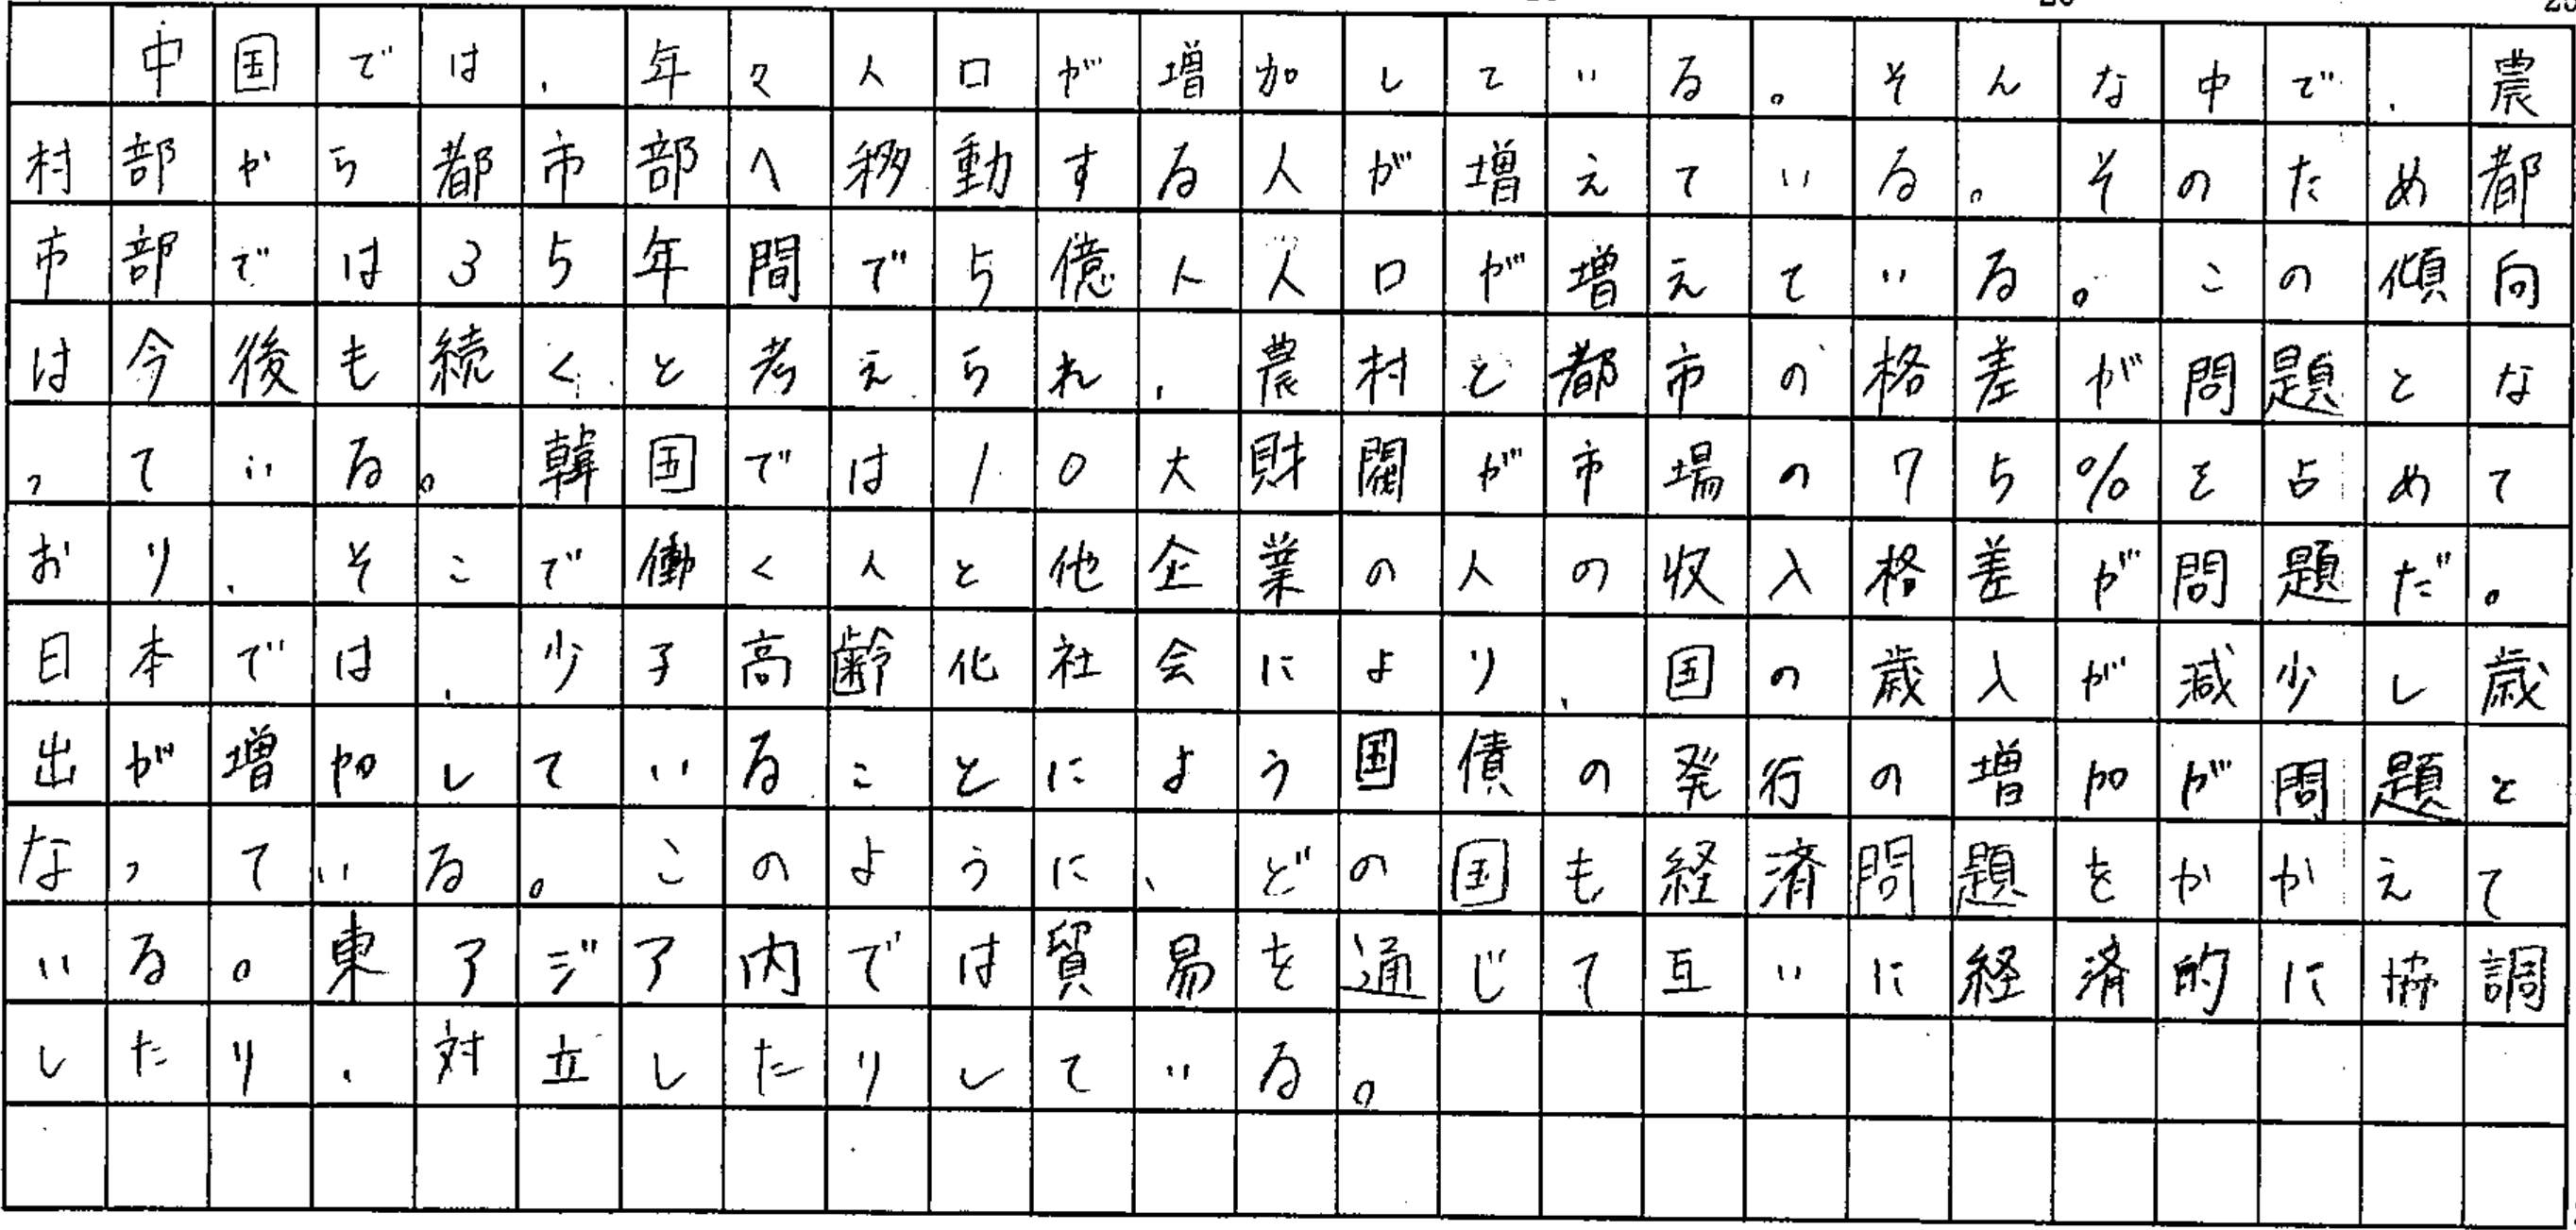　中国では、年々人口が増加している。そんな中で、農村部から都市部へ移動する人が増えている。そのため都市部では３５年間で５億人人口が増えている。この傾向は今後も続くと考えられ、農村と都市の格差が問題となっている。韓国では１０大財閥が市場の７５％を占めており、そこで働く人と他企業の人の収入格差が問題だ。日本では、少子高齢化社会により、国の歳入が減少し歳出が増加していることによう国債の発行の増加が問題となっている。このように、どの国も経済問題をかかえている。東アジア内では貿易を通じて互いに経済的に協調したり、対立したりしている。
